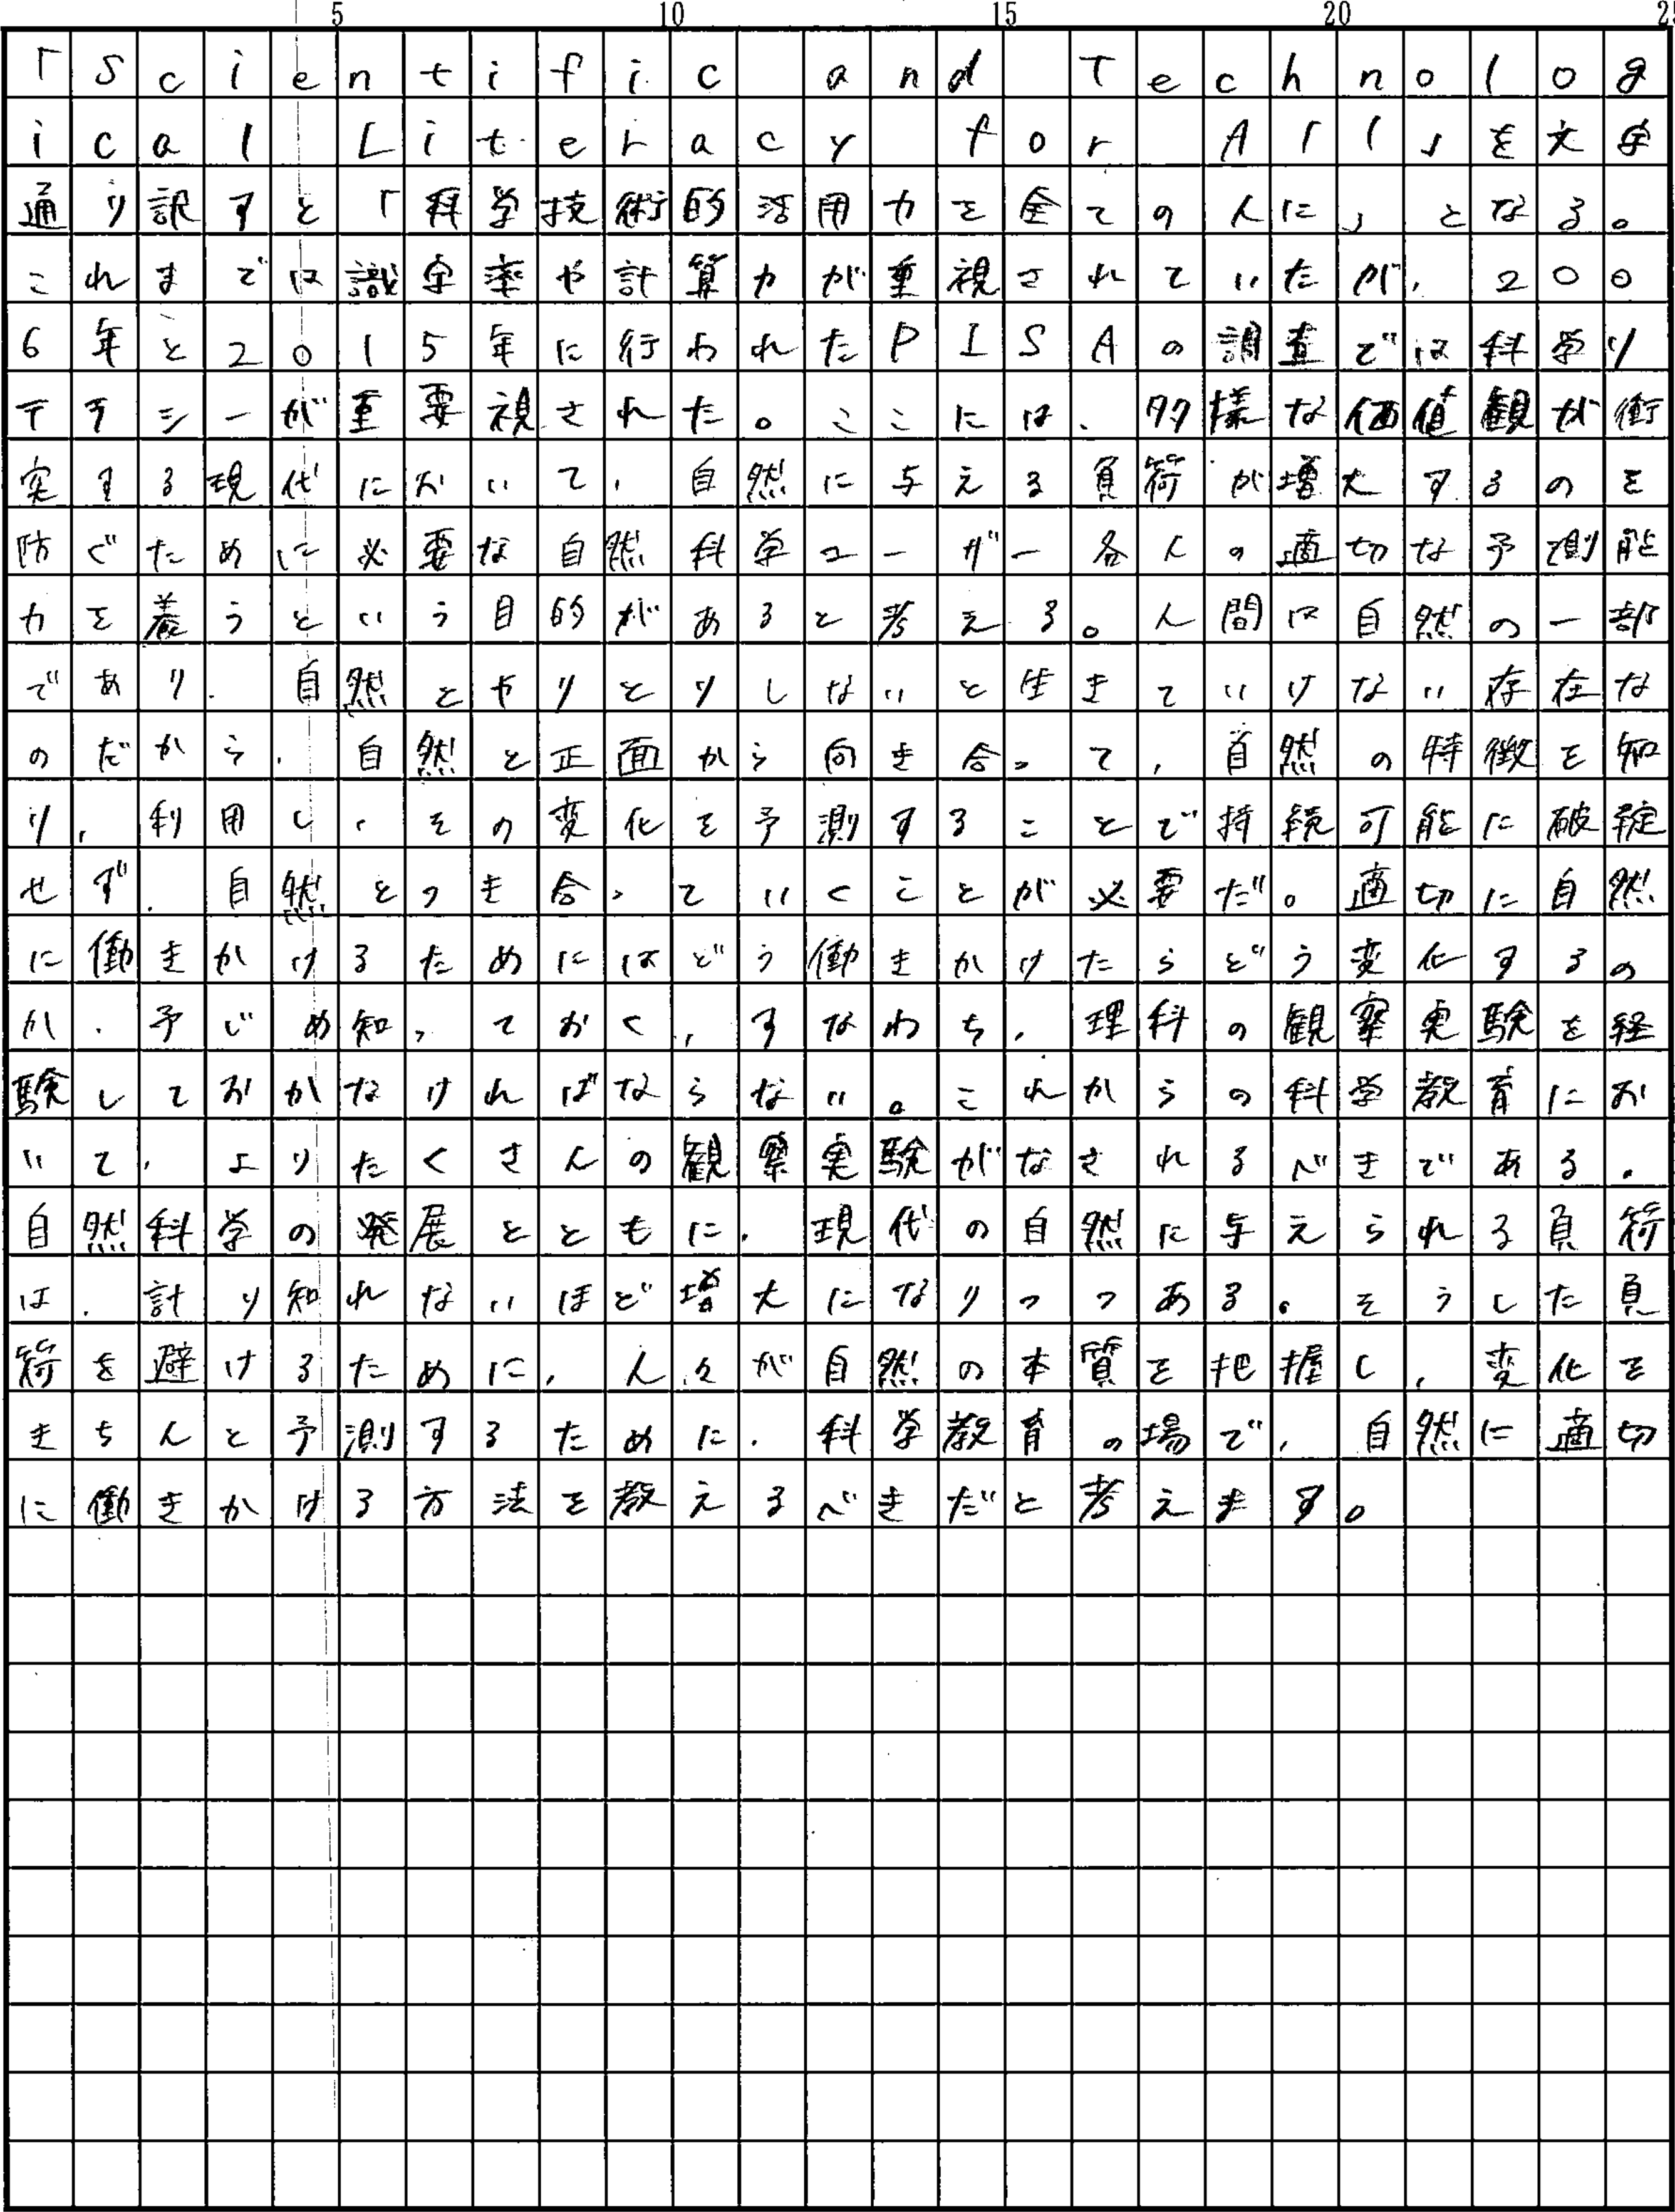「Ｓｃｉｅｎｔｉｆｉｃ　ａｎｄ　Ｔｅｃｈｎｏｌｏｇｉｃａｌ　Ｌｉｔｅｒａｃｙ　ｆｏｒ　Ａｌｌ」を文字通り訳すと「科学技術的活用力を全ての人に」となる。これまでは識字率や計算力が重視されていたが、２００６年と２０１５年に行われたＰＩＳＡの調査では科学リテラシーが重要視された。ここには、多様な価値観が衝突する現代において、自然に与える負▁が増大するのを防ぐために必要な自然科学ユーザー各人の適切な予測能力を養うという目的があると考える。人間は自然の一部であり、自然とやりとりしないと生きていけない存在なのだから、自然と正面から向き合って、自然の特徴を知り、利用し、その変化を予測することで持続可能に破綻せず、自然とつき合っていくことが必要だ。適切に自然に働きかけるためにはどう働きかけたらどう変化するのか、予じめ知っておく、すなわち、理科の観察実験を経験しておかなければならない。これからの科学教育において、よりたくさんの観察実験がなされるべきである。自然科学の発展とともに、現代の自然に与えられる負▁は、計り知れないほど増大になりつつある。そうした負▁を避けるために、人々が自然の本質を把握し、変化をきちんと予測するために、科学教育の場で、自然に適切に働きかける方法を教えるべきだと考えます。
